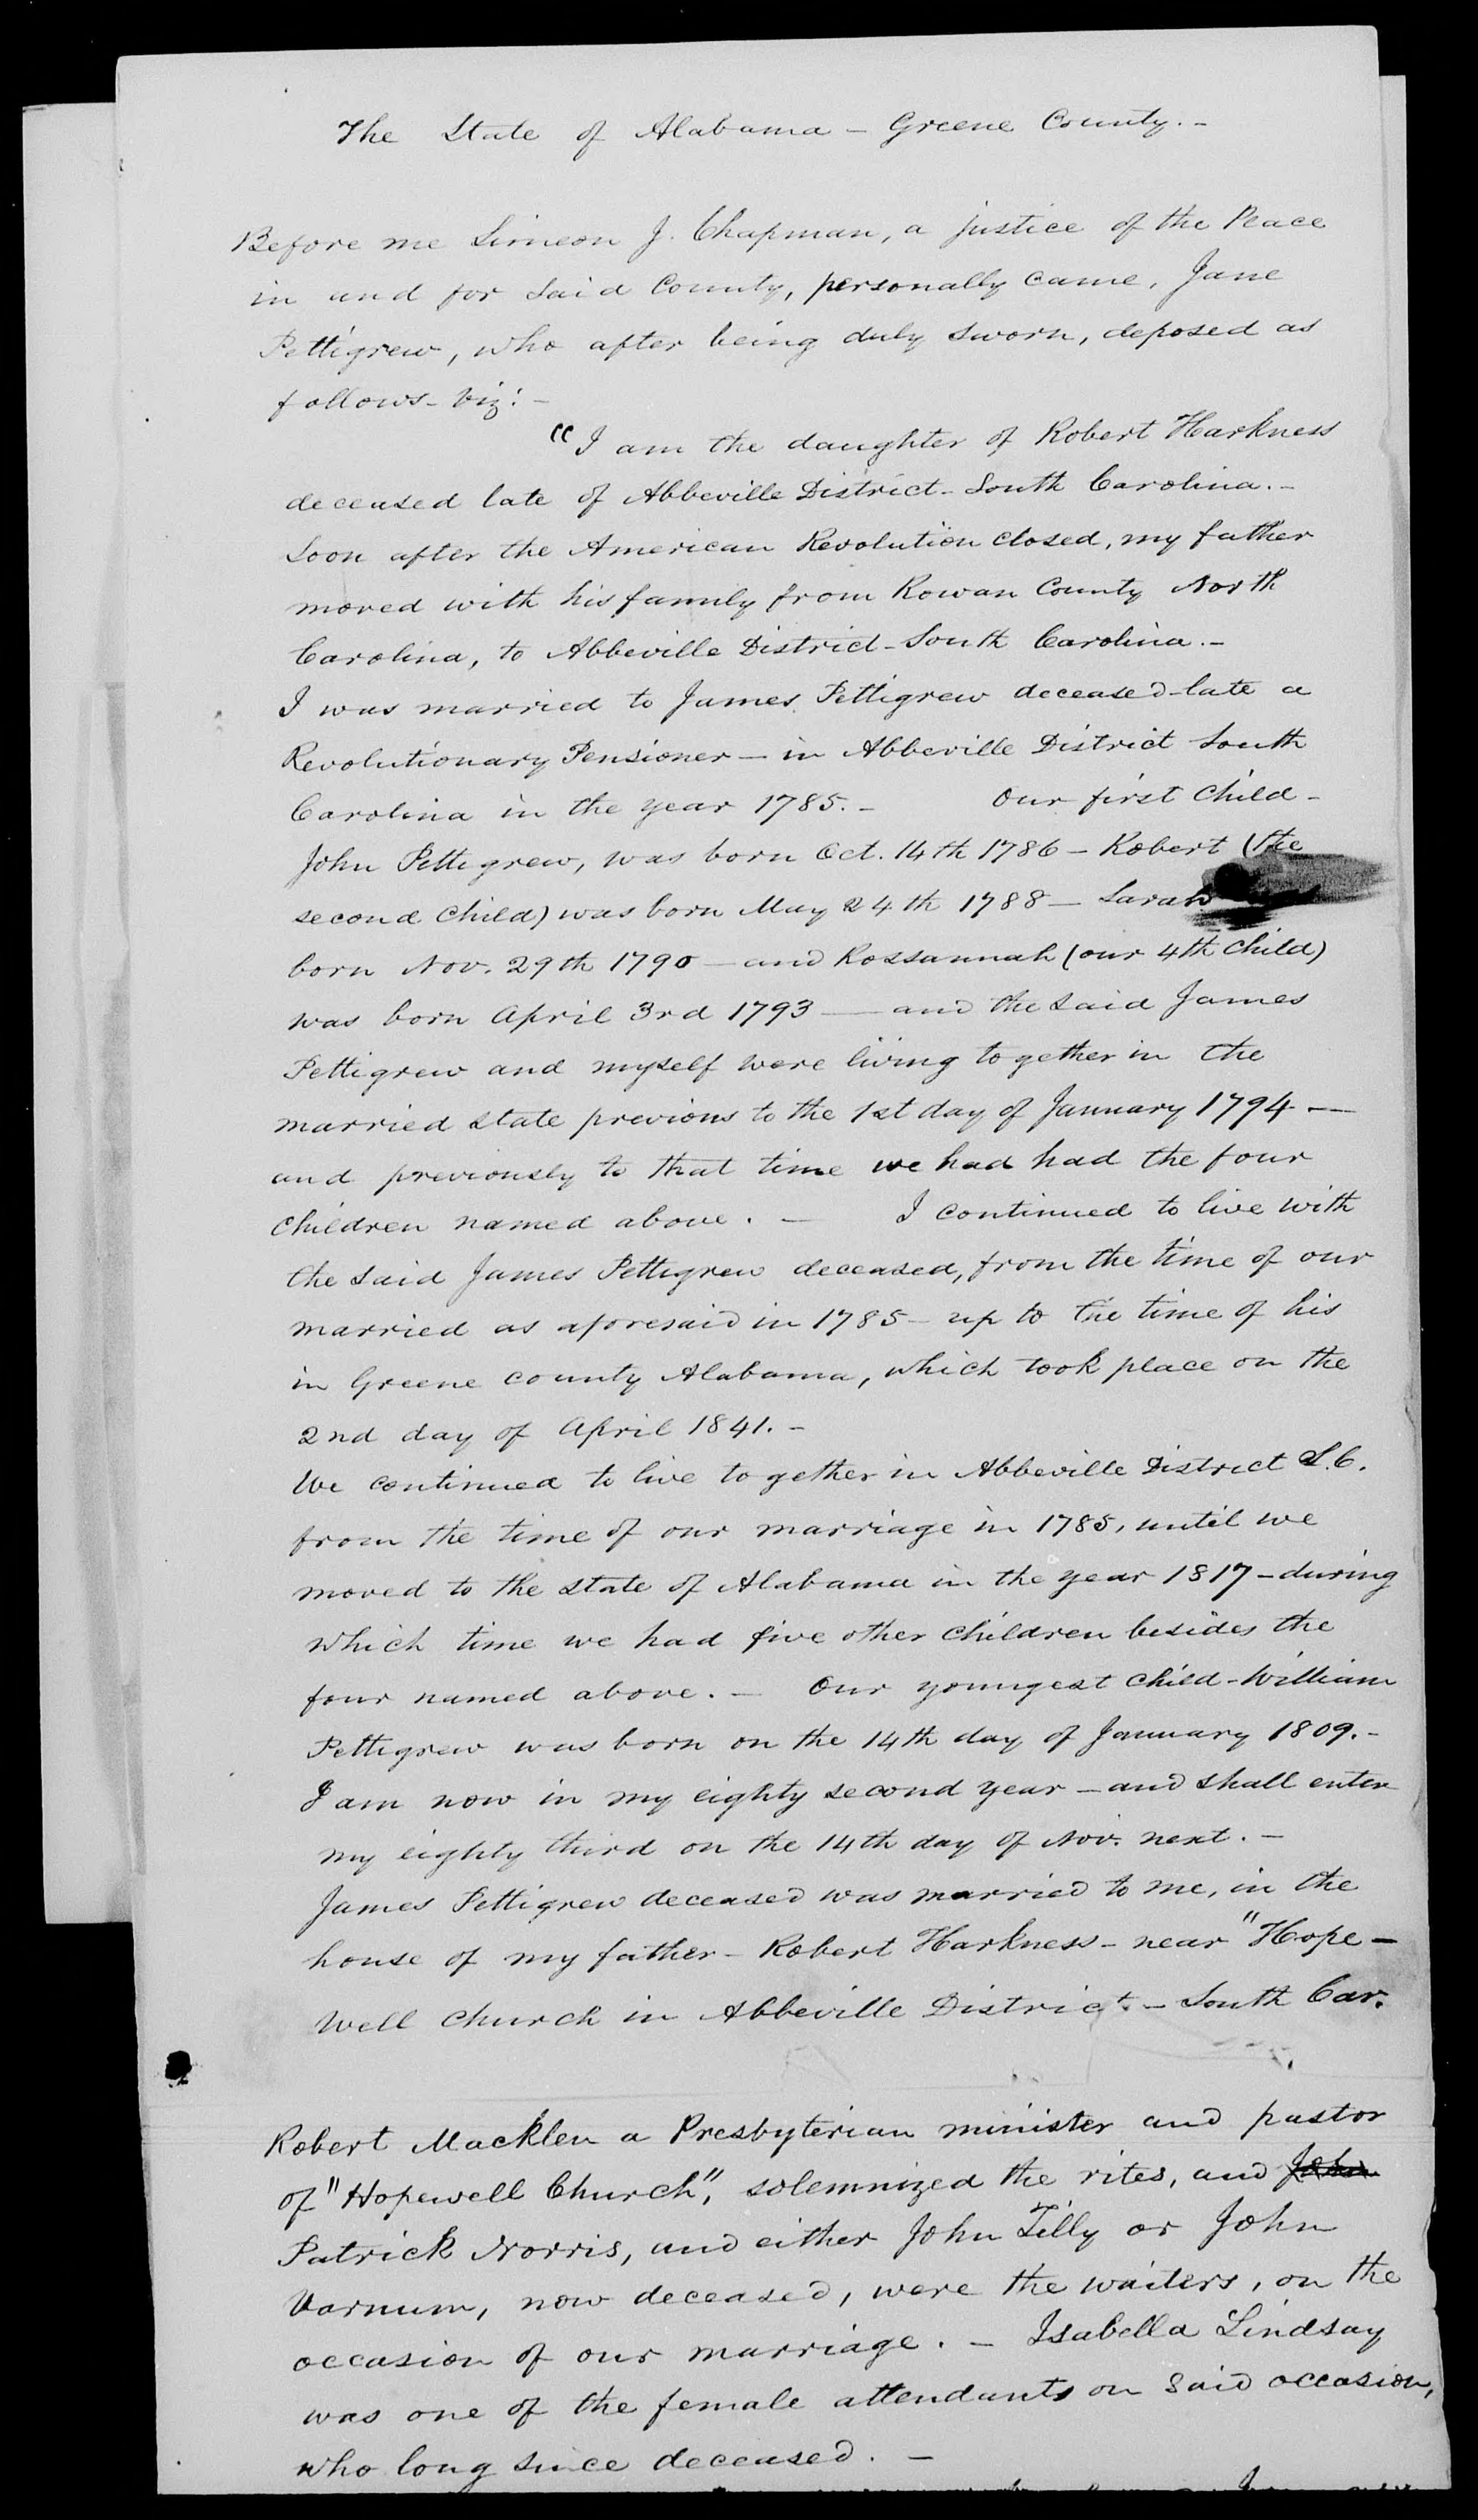The State of Alabama - Greene County. -

Before me Simeon J. Chapman, a justice of the Peace in and for said county, personally came, Jane Pettigrew, who after being duly sworn, deposed as follows - [illegible]: -
"I am the daughter of Robert Harkness deceased late of Abbeville District. South Carolina. -
Soon after the American District closed, my father moved with his family from Rowan County South Carolina, to Abbeville District - South Carolina. - 
I was married to James Pettigrew deceased - late a Revolutionary Pensioner - in Abbeville District South Carolina in the year 1785. - our first child - John Pettigrew, was born Oct. 14th 1786 - Robert (the second child) was born May 34th 1788 - Sarah born Nov. 29th 1790 - and Rossannah (our 4th child) was born April 3rd 1793 - and the said James Pettigrew and myself were living together in the married state previous to the 1st day of January 1794 - and previously to that time we had had the four children named above. - I continued to live with the said James Pettigrew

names: Sarah [BLANK]; Simeon J Chapman; William Pettigrew; Robert Macklen; Robert Harkness; Isabella Lindsay; Rossannah [BLANK]; Patrick Norris; James Pettigrew; Jane Pettigrew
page: 64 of 92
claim: widow's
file: W. 5522, for James Pettigrew, South Carolina